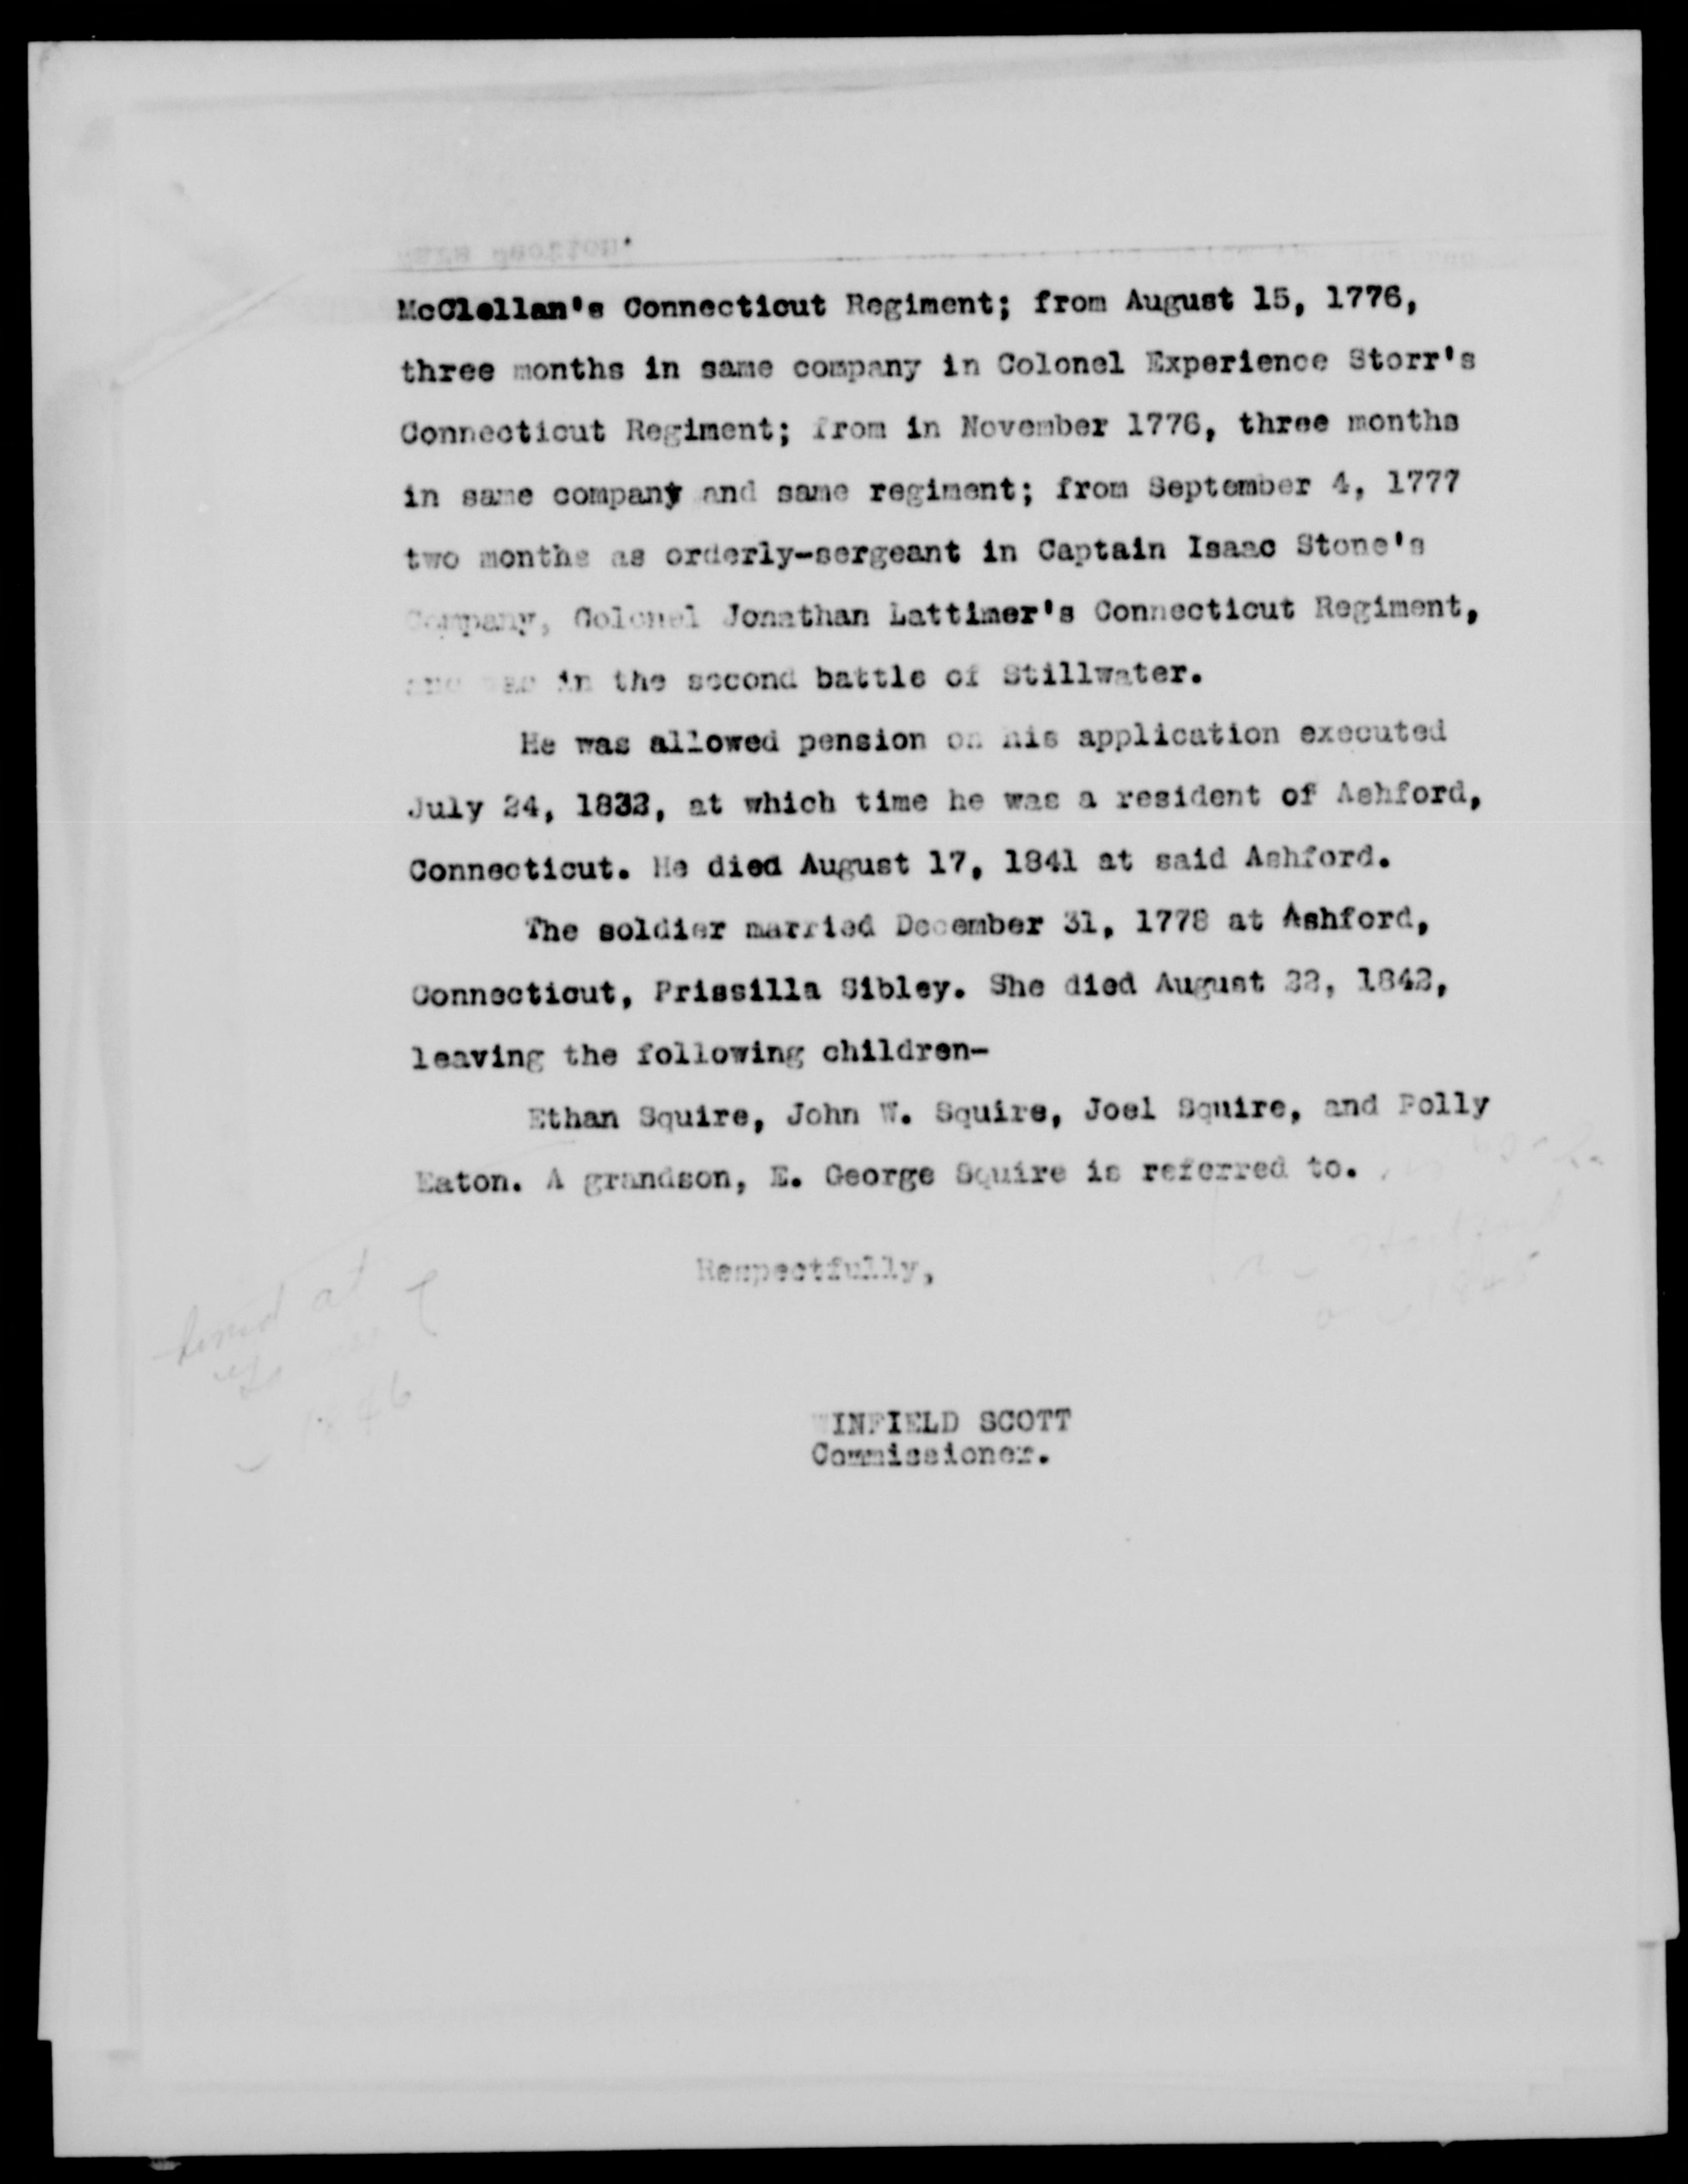McClennan's Connecticut Regiment; from August 15, 1776, three months in same company in Colonel Experience Storr's Connecticut Regiment; from in November 1776, three months in same company and same regiment; from September 4, 1777 two months as orderly-sergeant in Captain Isaac Stone's Company, Colonel Jonathan Lattimer's Connecticut Regiment and was in the second battle of Stillwater. 
He was allowed pension on his application executed July 24, 1833, at which time he was a resident of Ashford, Connecticut. He died August 17, 1841 at said Ashford, Connecticut.  
The soldier married December 31, 1778 at Ashford, Connecticut, Prissilla Sibley. She died August 22, 1842, leaving the following children- 
Ethan Squire, John W. Squire, Joel Squire, and Polly Eaton. A grandson, E. George Squireis referred to. 

Respectfully,

Winfield Scott
Commissioner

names: Joel Squire; E George Squire; Winfield Scott; John W Squire; Ethan Squire; Prissilla Sibley; Polly Eaton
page: 67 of 70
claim: rejected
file: R. 10,026, for Ephraim Squier, Connecticut